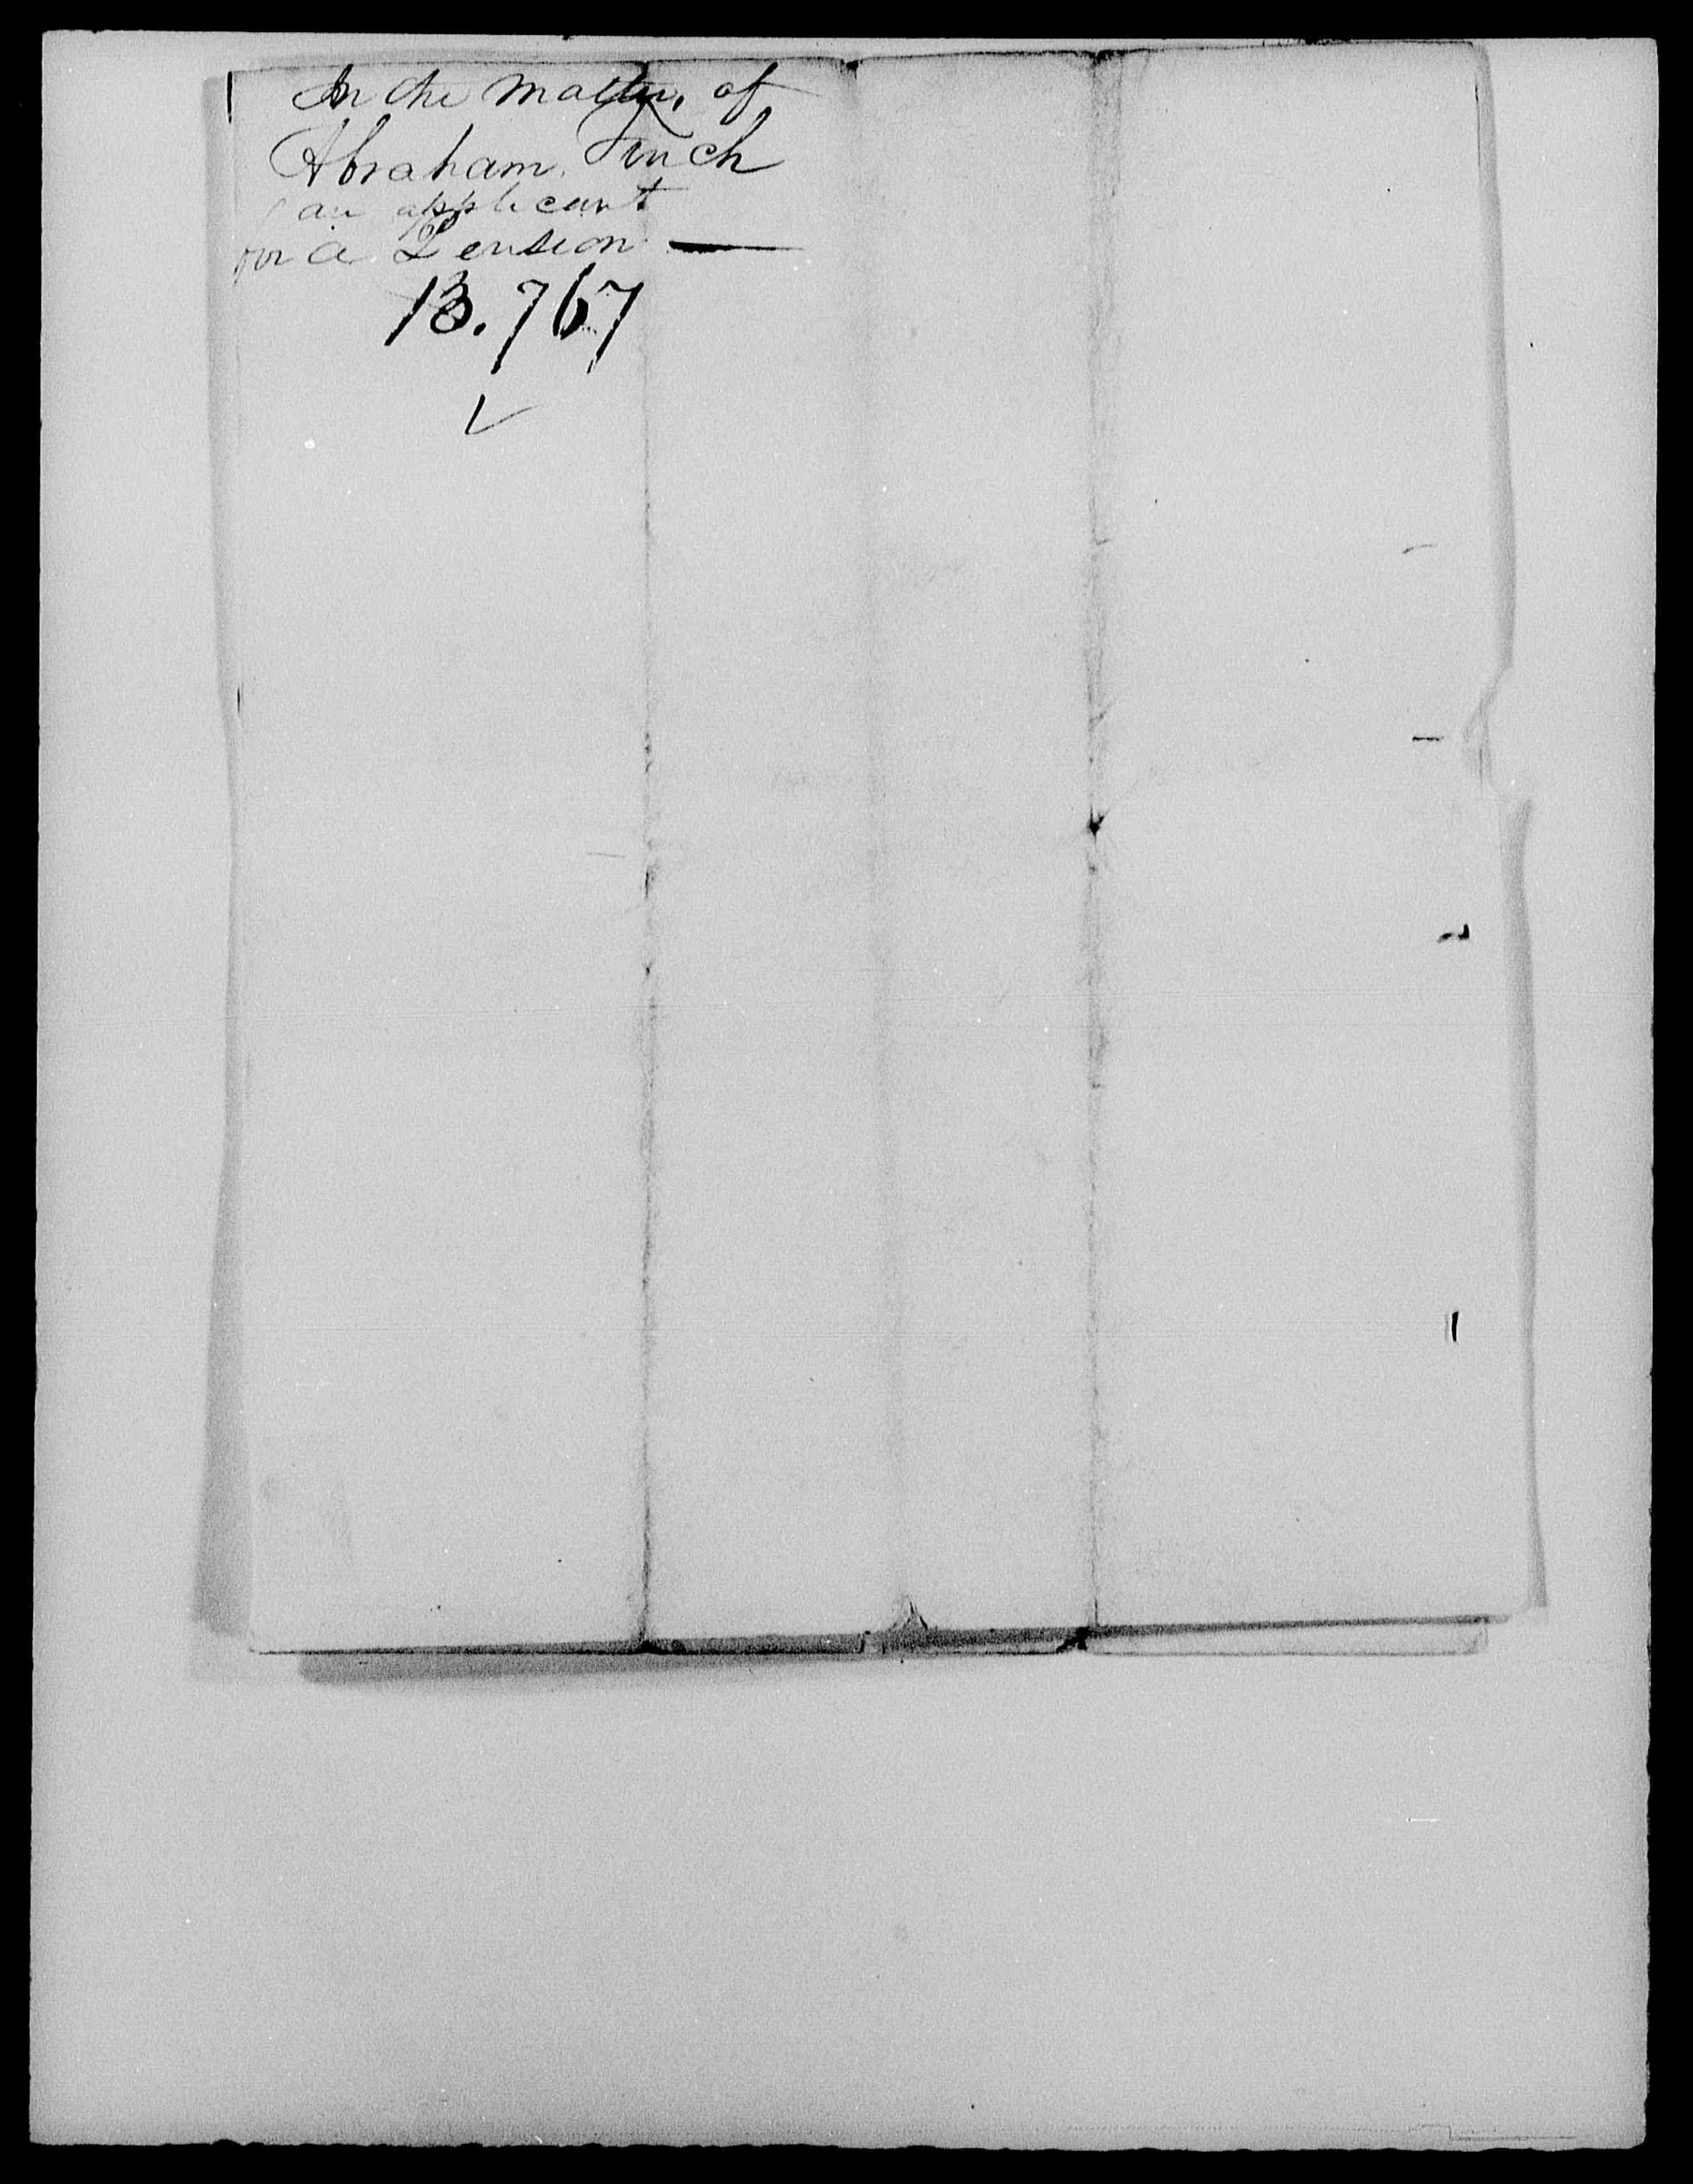In the matter of 
Abraham Finch
an applicant
for a pension--
13.767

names: Abraham Finch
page: 22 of 35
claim: survivor's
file: S. 28727, Abraham Finch, Conn.